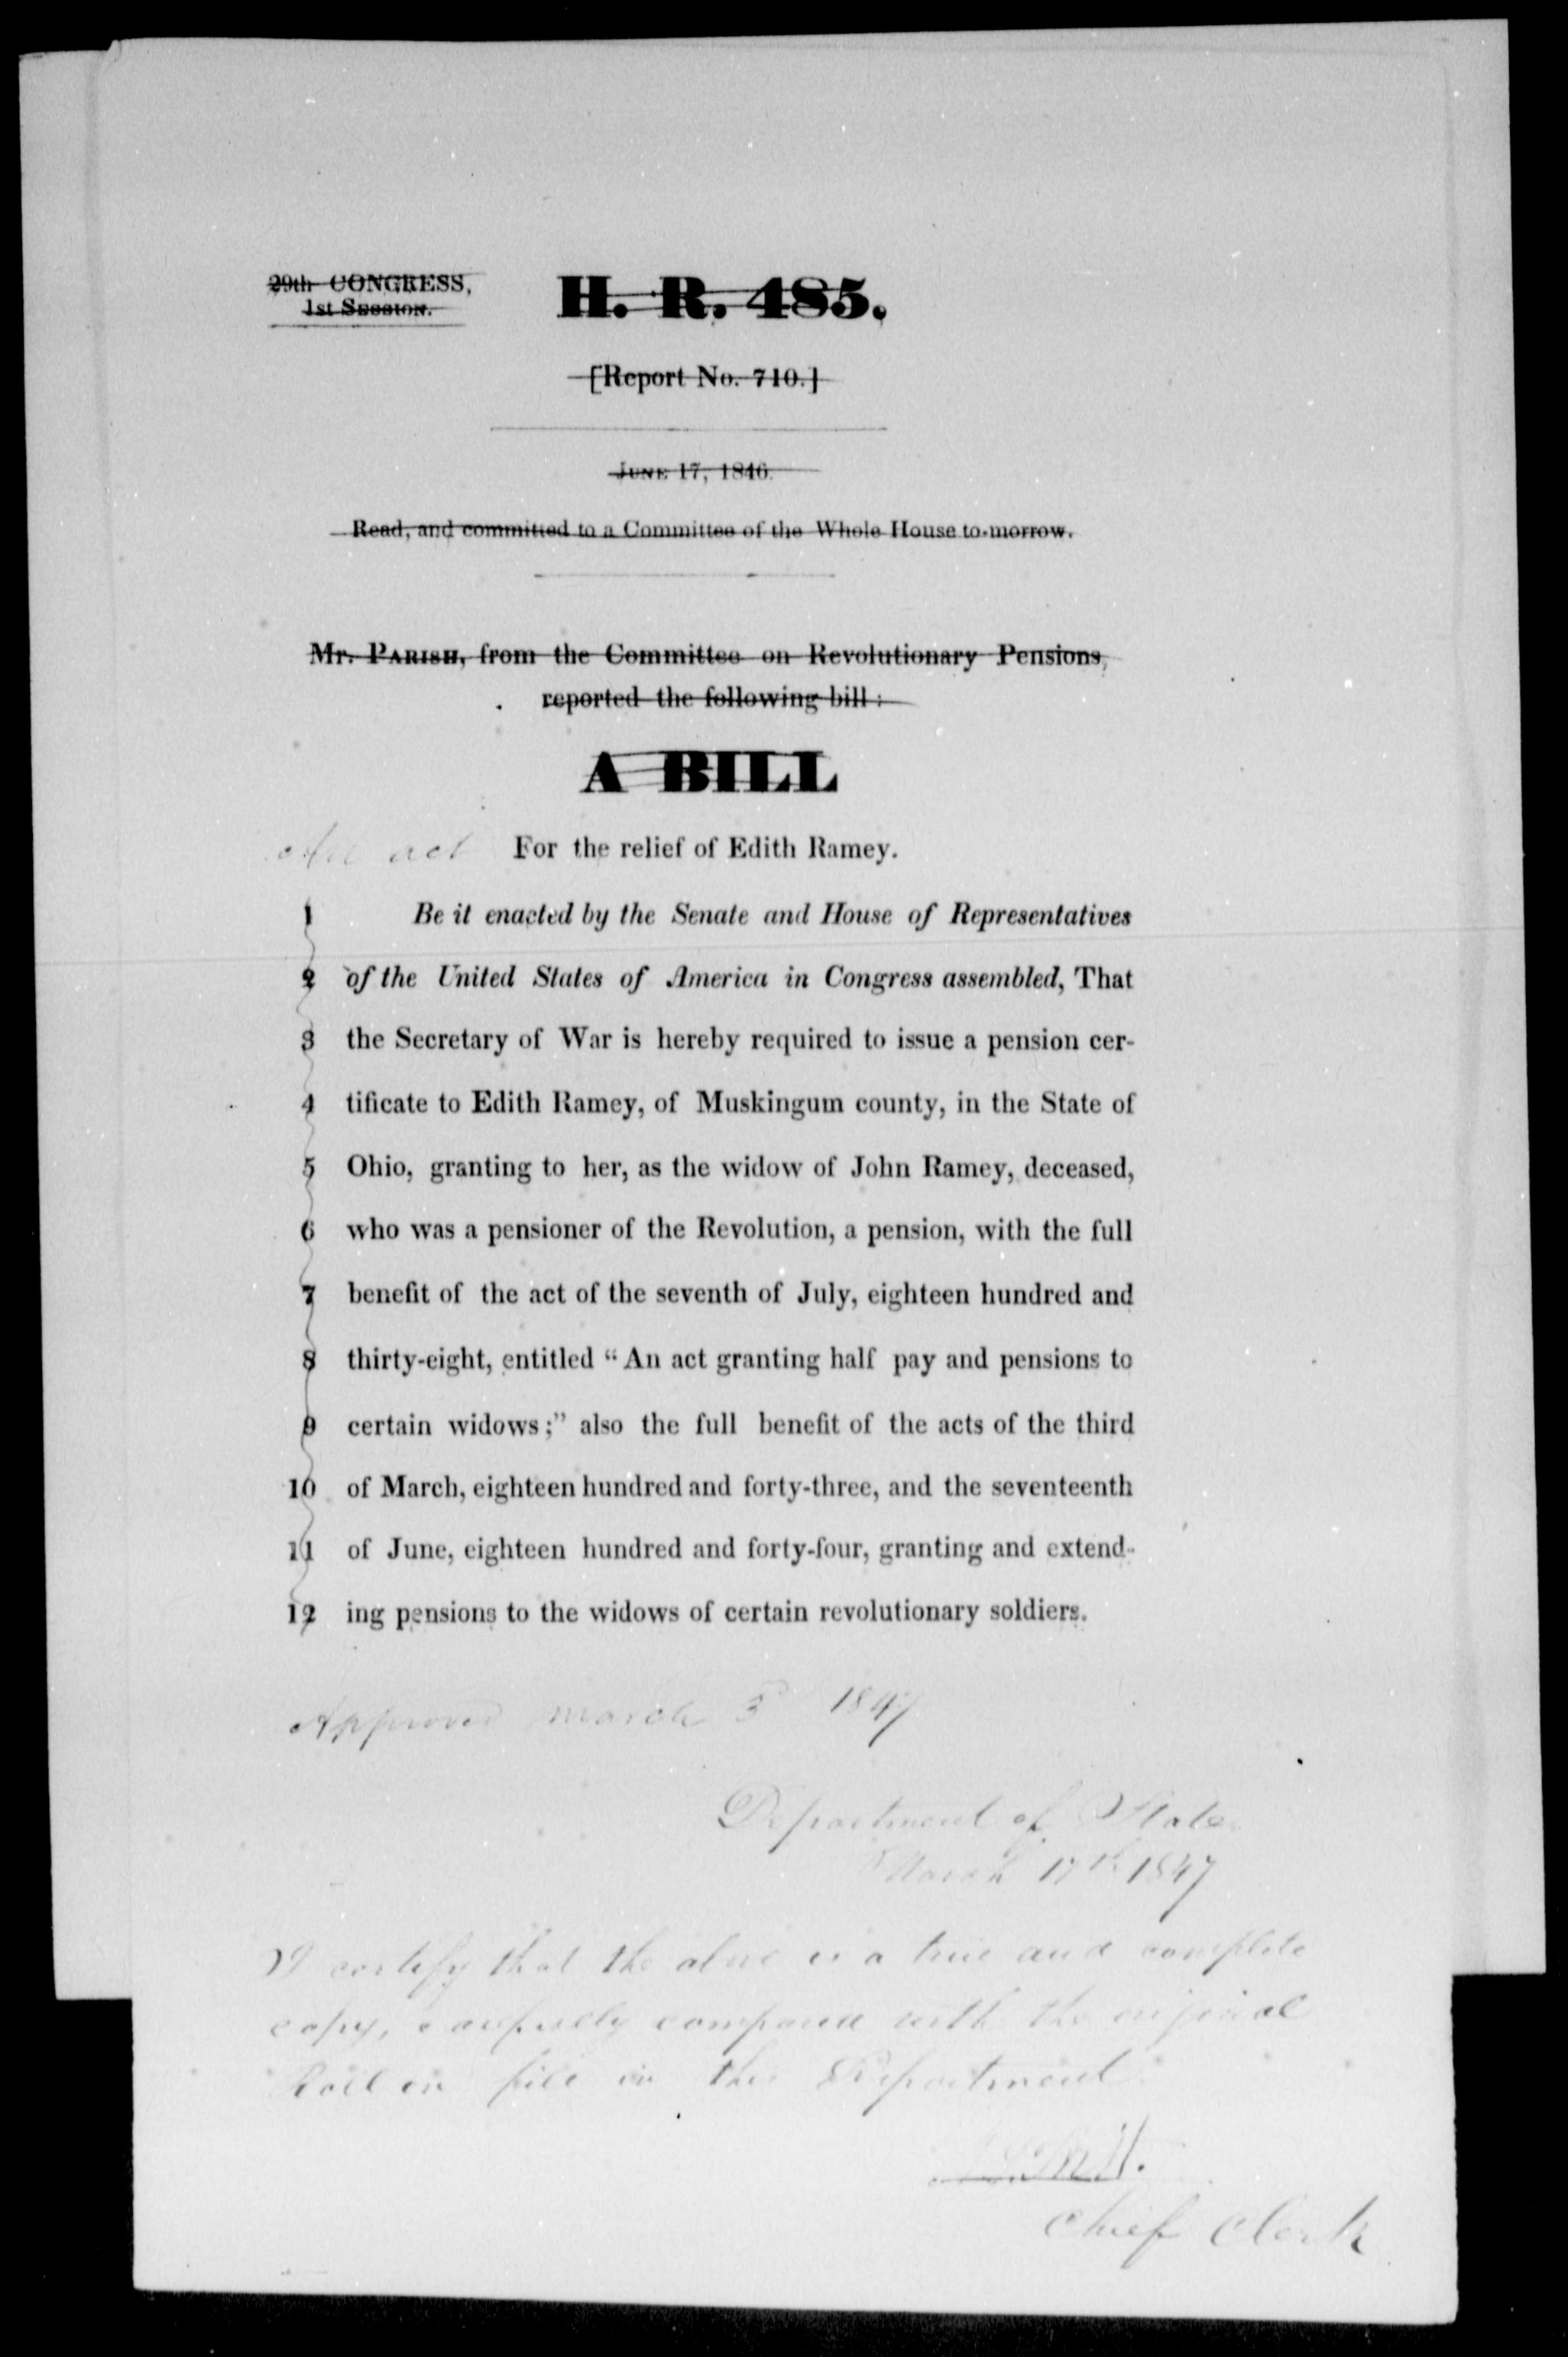An act For the relief of Edith Ramey.
Be it enacted by the Senate and House of Representatives of the United States of America in Congress assembled, That the Secretary of War is hereby required to issue a pension certificate to Edith Ramey, of Muskingum county, in the State of Ohio, granting to her, as the widow of John Ramey, deceased, who was a pensioner of the Revolution, a pension, with the full benefit of the act of the seventh of July, eighteen hundred and thirty-eight, entitled "An act granting half pay and pensions to certain widows;" also the full benefit of the acts of the third of March, eighteen hundred and forty-three, and the seventeenth of June, eighteen hundred and forty-four, granting and extending pensions to the widows of certain revolutionary soldiers. 
Approved March 3d 1847
Department of State
March 17th 1847
I certify that the above is a true and complete copy, carefully compared with the original Roll on file in the Department
[illegible]
Chief Clerk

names: Edith Ramey; John Ramey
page: 75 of 84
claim: widow's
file: W.11104, for John Remay, Virginia